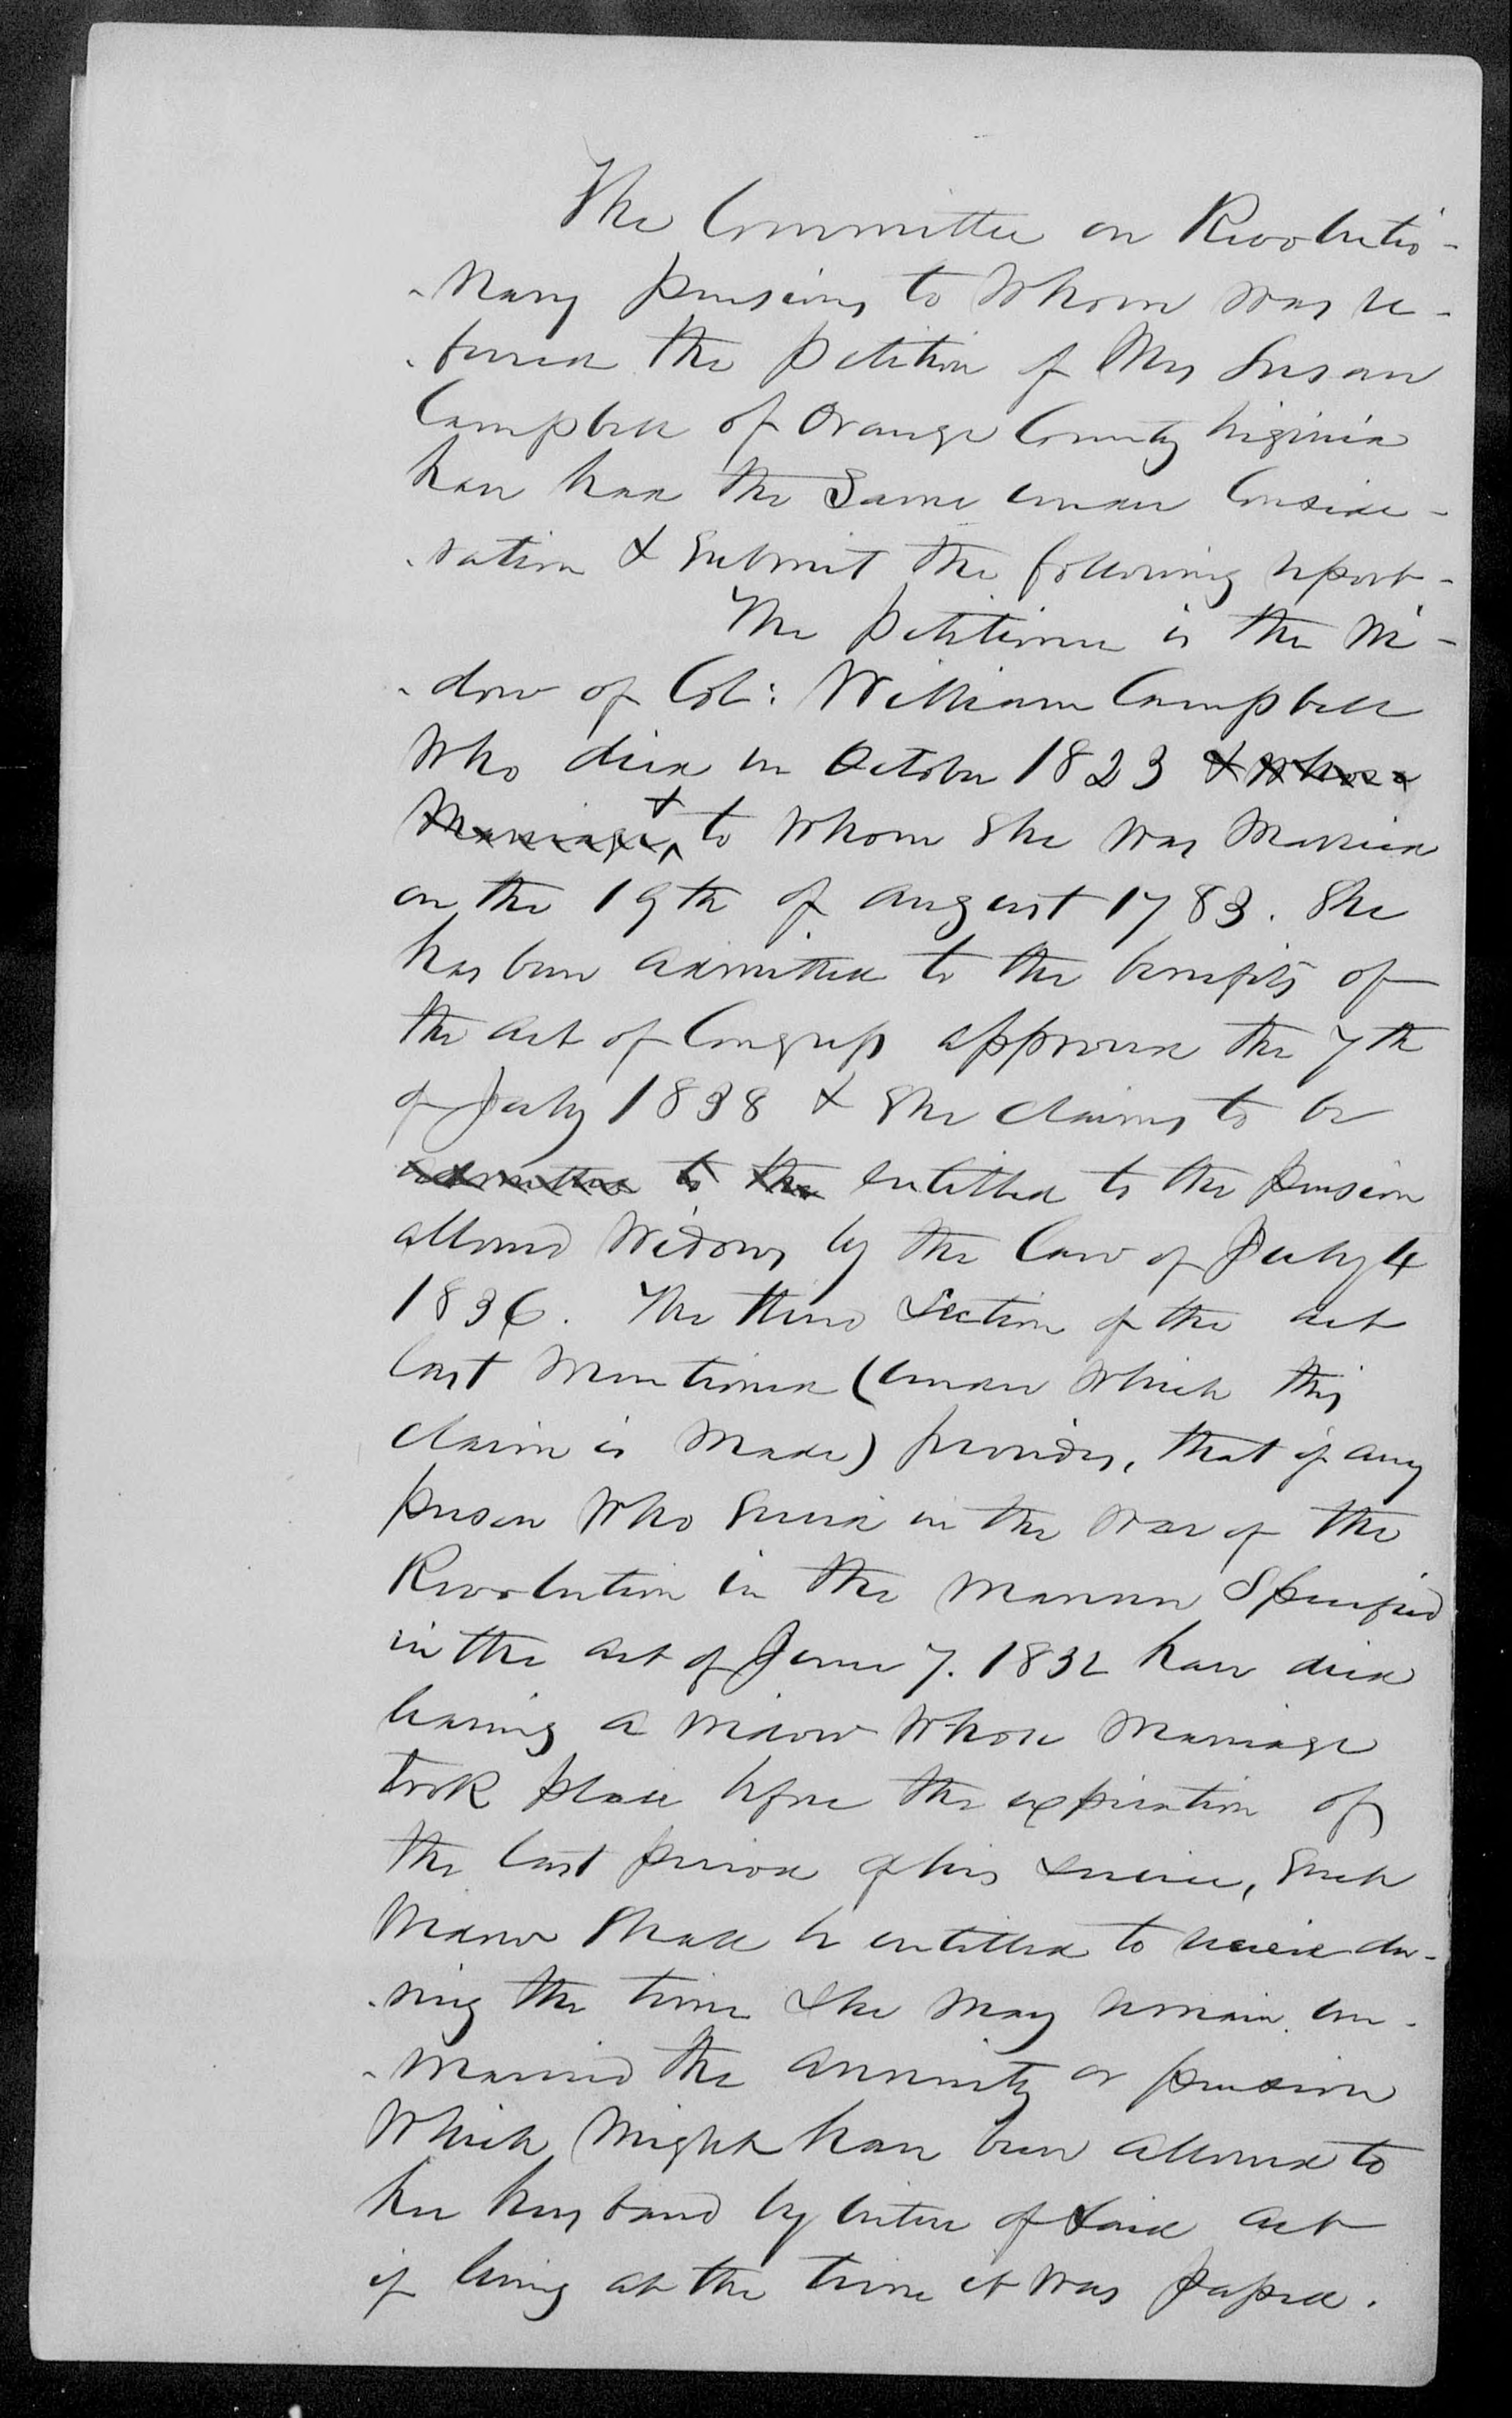The Committee on Revolutionary pensions to Whom was referred the petition of Mrs Susan Campbell of Orange County Virginia have had the Same under Consideration +[and] Submit the following report --
The petitioner is the widow of Col: William Campbell who died in October 1823 [cross out begins] +[and] whose marriage [end cross out] [insert begins] +[and] [insert ends] to whom she was married on the 19th of August 1783.  She has been admitted to the benefits of the Act of Congress approved the 7th of July 1838 +[and] she claims to be [cross out begins] admitted to the [cross out ends] entitled to the pension allowed widows by the Law of July 4 1836.  The third section of the Act last mentioned (under which this claim is made) provides, that if any person who served in the War of the Revolution in the manner specified in the Act of Janu 7. 1832 have died leaving a widow whose marriage took place before the expiration of the last period of his service, such Widow Shall be entitled to receive during the time she may remain as married the annuity or pension which might have been allowed to her husband by virtue of Said Act if living at the time it was passed.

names: Susan Campbell, William Campbell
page: 249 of 267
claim: widow's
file: W. 4,149, William Campbell, Va.